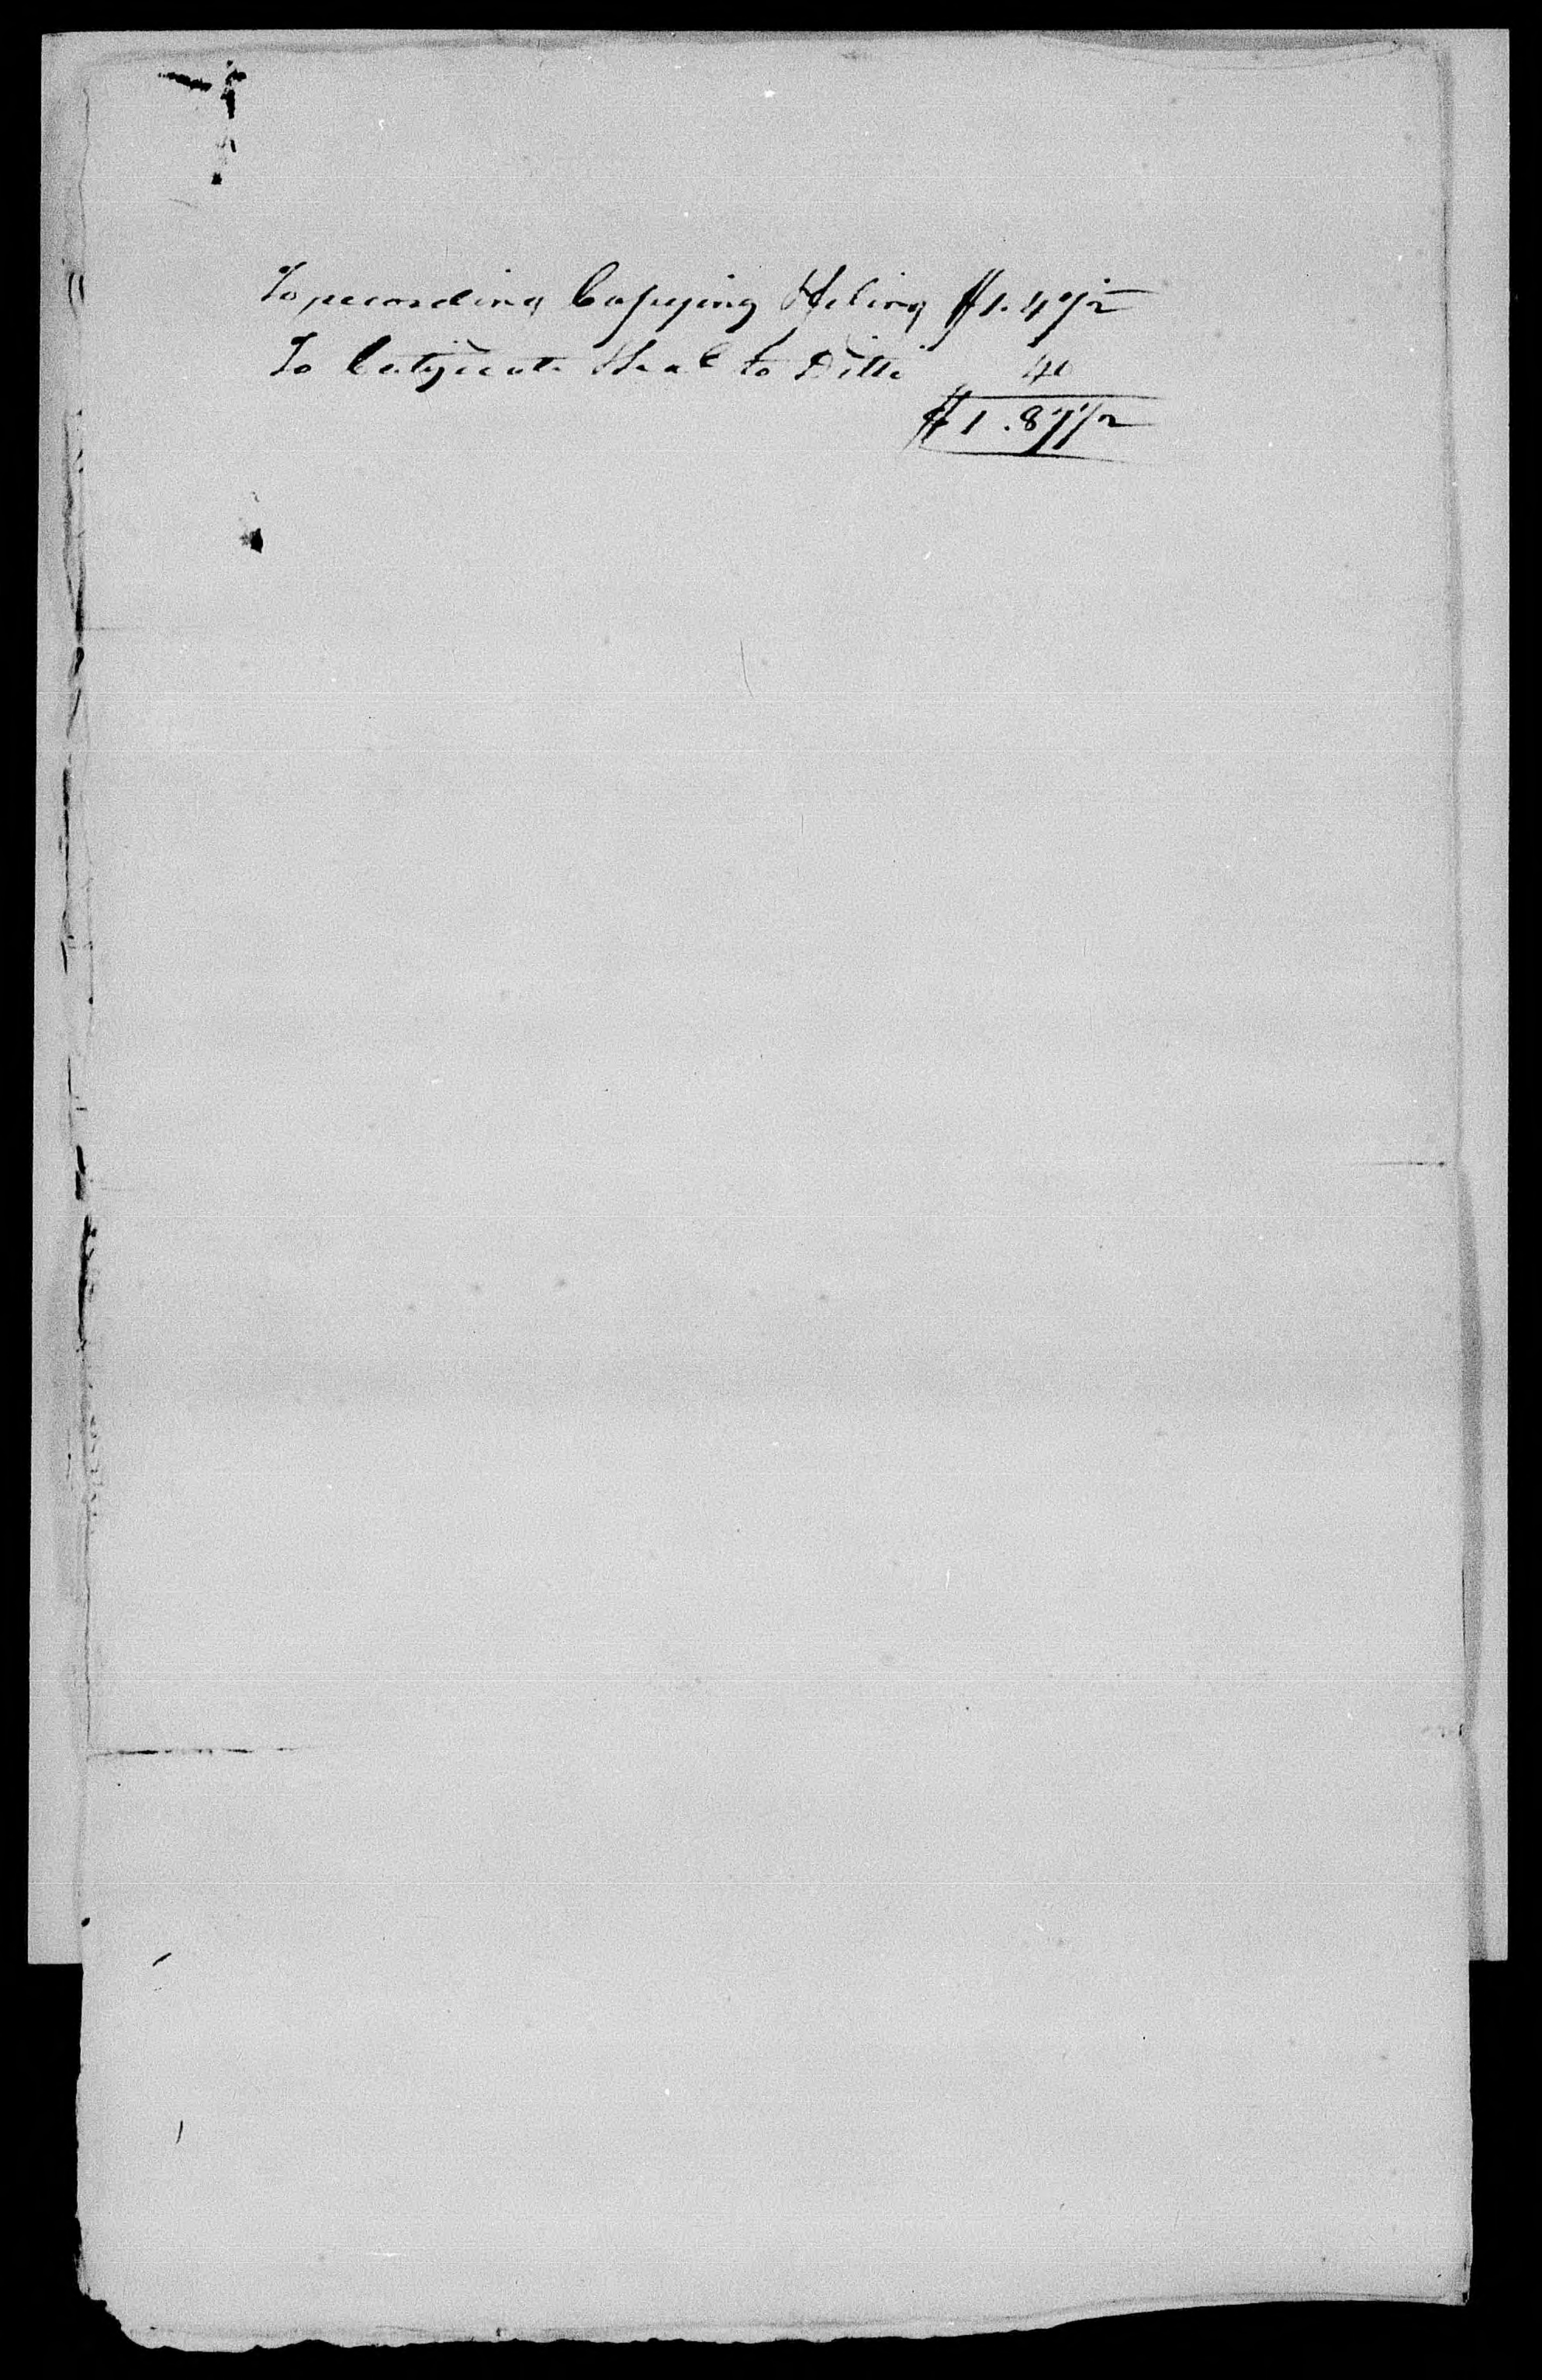To recording, Copying & Filing $1.47 1/2
To certificate that to Ditto 40
Total $1.87 1/2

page: 10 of 13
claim: survivor's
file: S. 34973, for Nathaniel Beale Magruder, Maryland